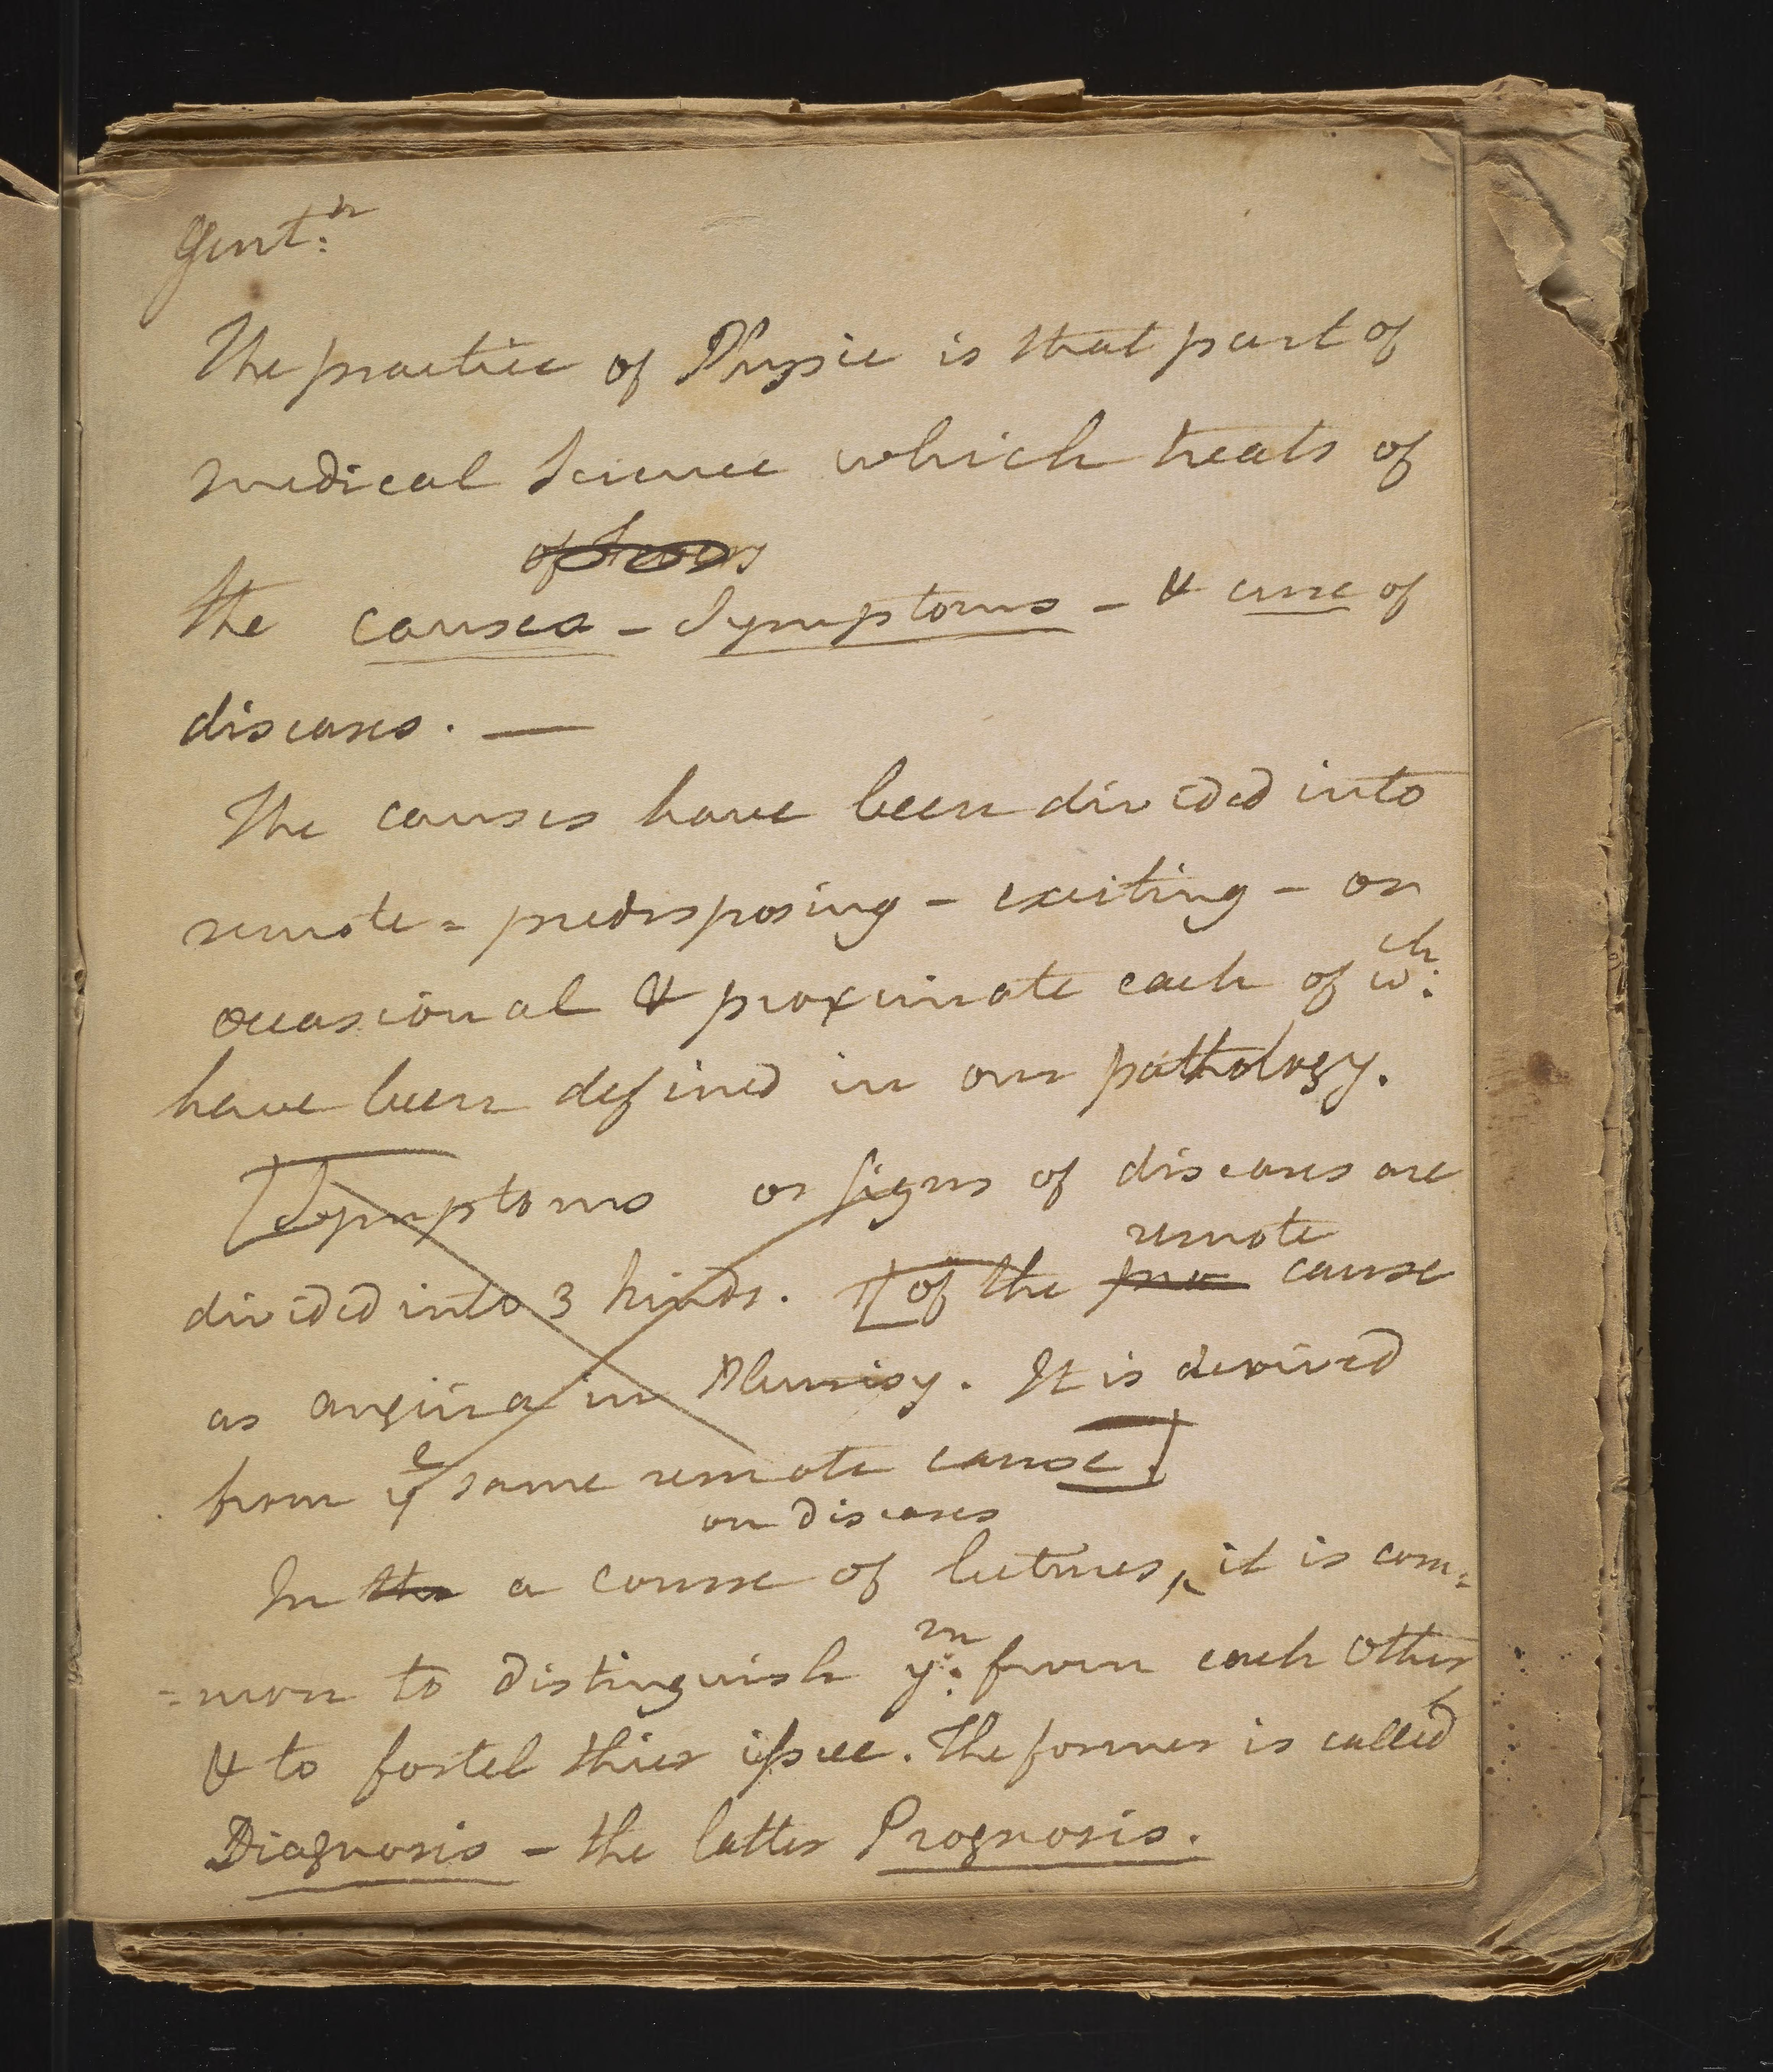Gent^n
The practice of Physic is that part of
medical science which treats of
the causes- symptoms- and cure of
diseases.-
The causes have been divided into
remote- predisposing- exciting- or
occasional & proximate each of w^ch
have been defined in our pathology.
(Symptoms or signs of diseases are
remote
divided into 3 kinds. (of the [____] cause
as angina in pleurisy. It is devised
from y^e same remote cause.)
on diseases
In [the] a course of lectures, it is com-
mon to distinguish y^n from each other
& to fortel this issue. The former is called
Diagnosis - the latter Prognosis.